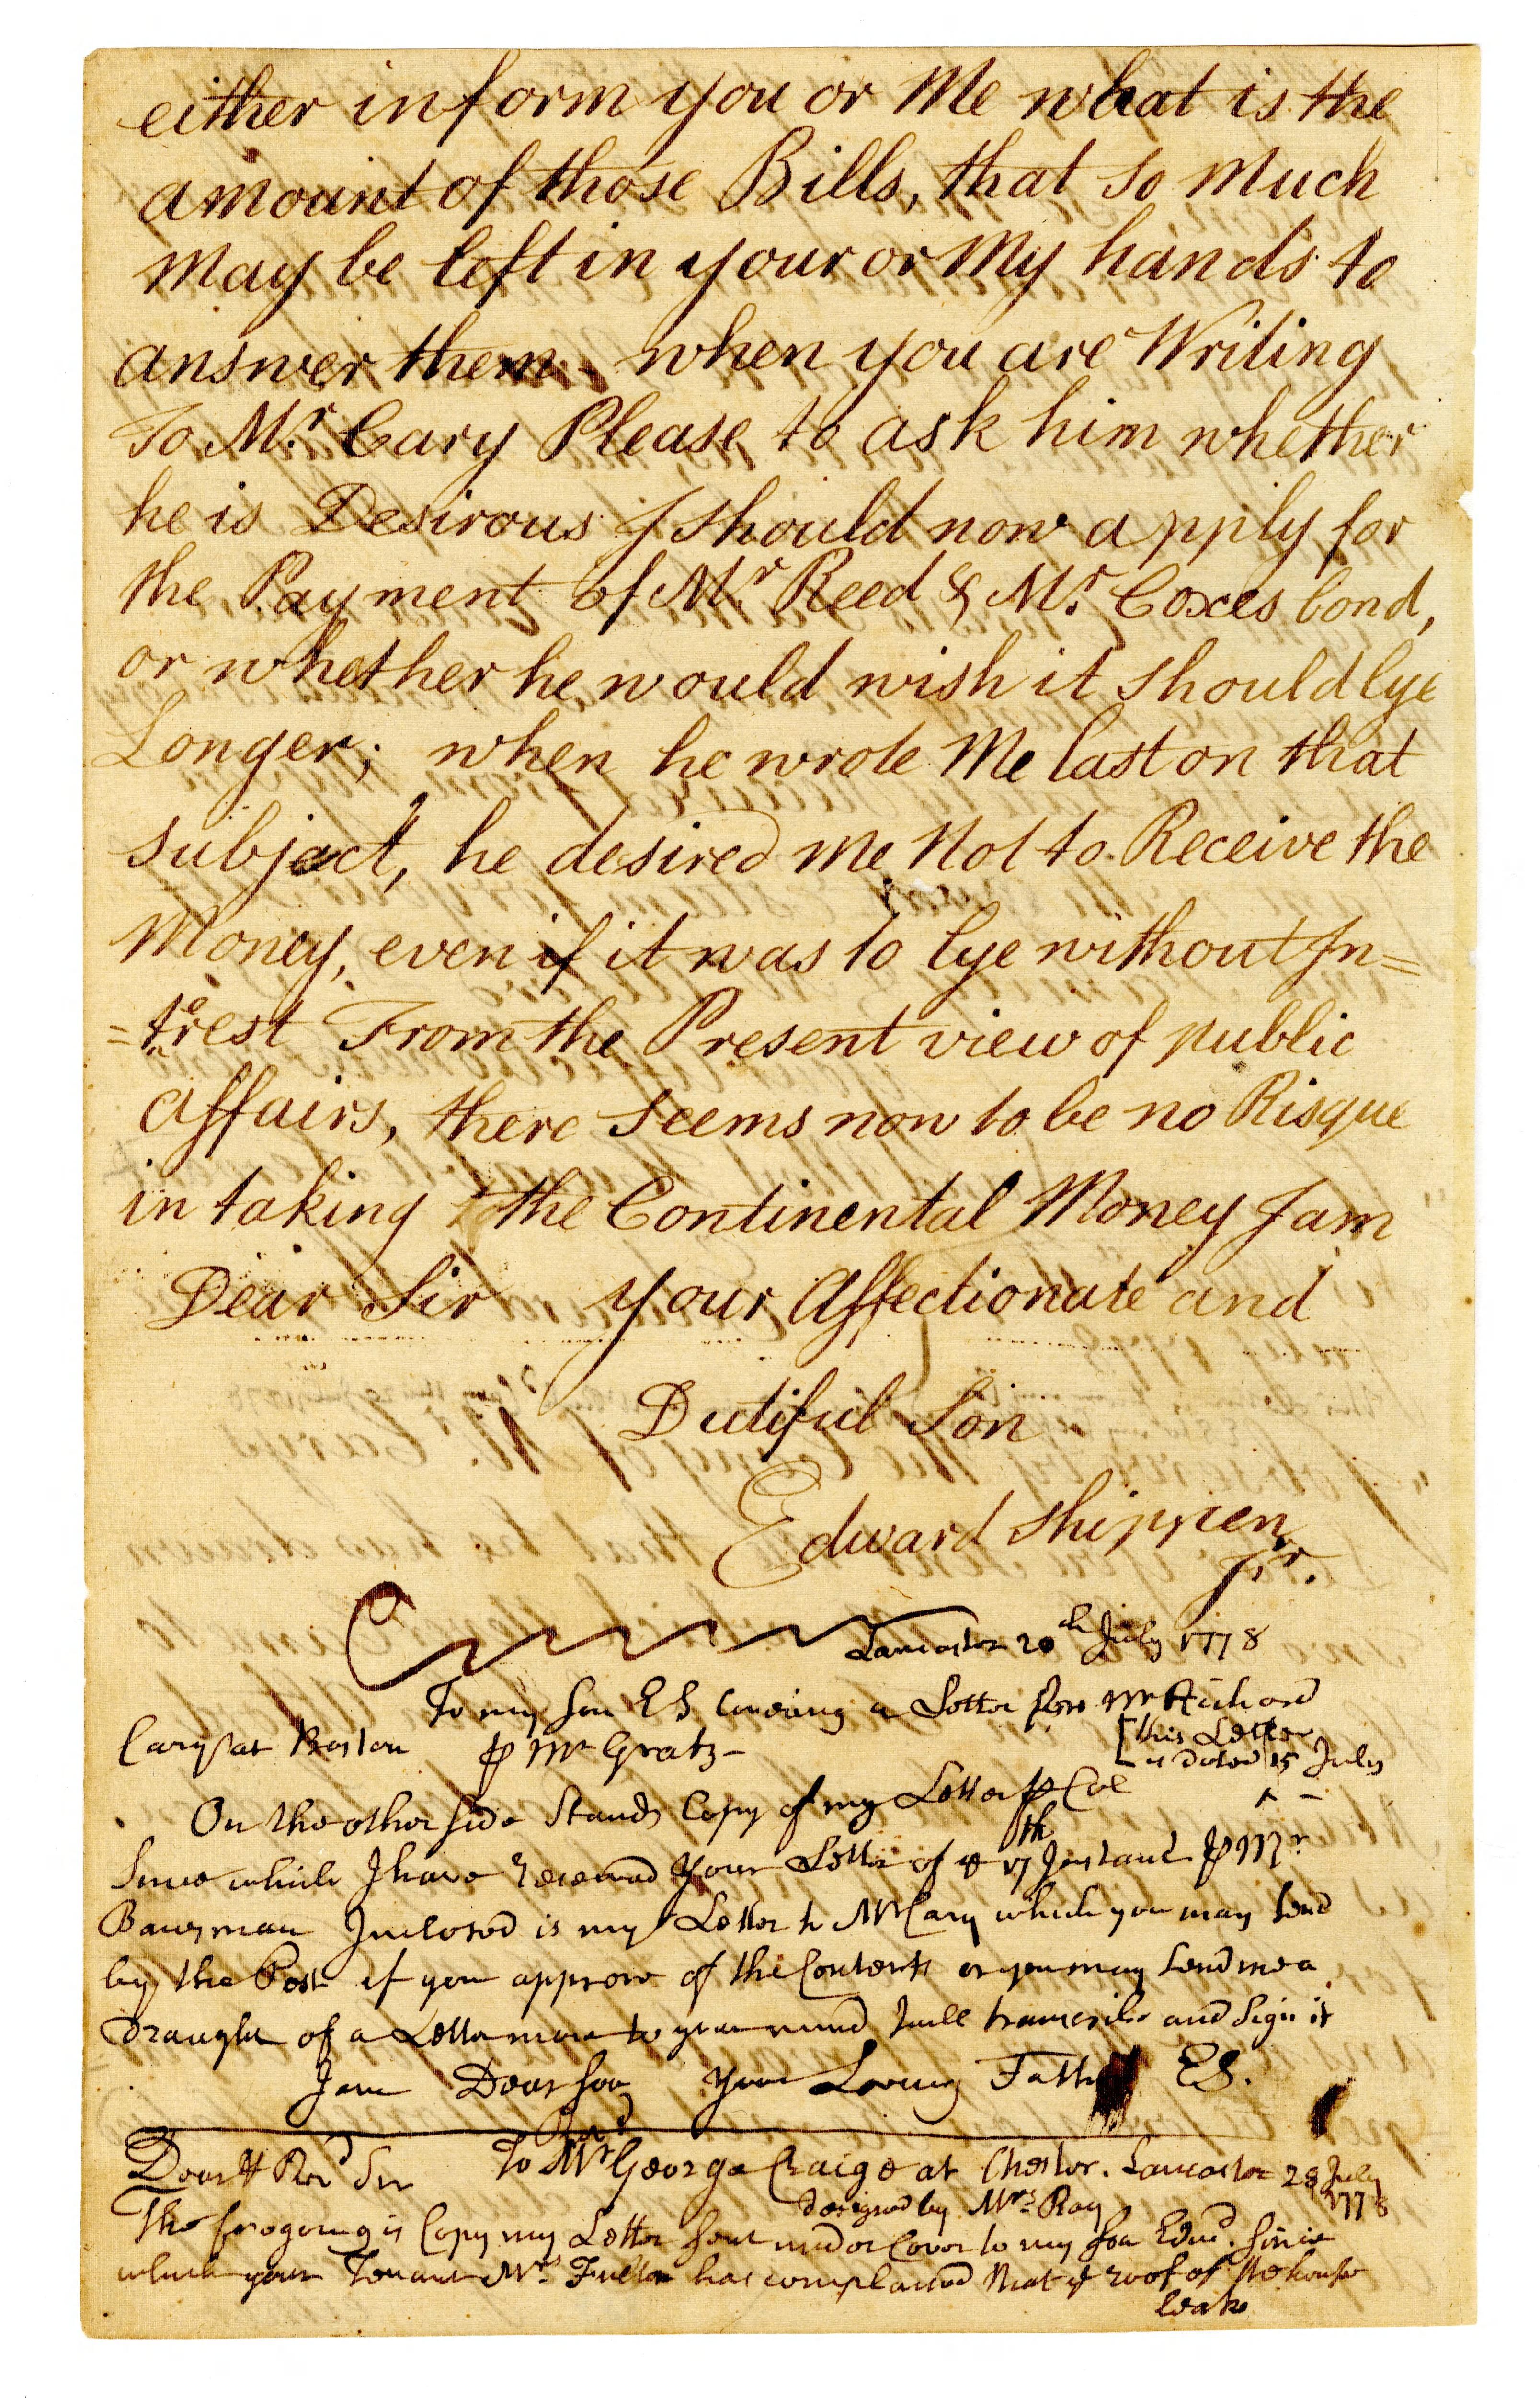either inform you or Me what is the
amount of those Bills, that so Much
May be left in your or My hands to
Answer them when you are Writing
To M^r. Cary Please to ask him whether
he is Desirous I should now apply for
the Payment of M^r. Reed & M^r. Coxes bond,
or whether he would wish it should lye
Longer; when he wrote Me last on that
subject, he desired Me Not to Receive the
Money, even if it was to lye without In
t^erest From the Present view of public
Affairs, there seems now to be no Risque
in taking the Continental Money
I am
Dear Sir Your Affectionate and
Dutiful Son
Edward Shippen
J.^r.
To my son ES Concerning a Letter from M^r Richard
Lancaster 20^th July 1778
Cary at Boston, per M^r Gratz-
[this Letter
is dated 15 July
On the other side stands Copy of my Letter per Col
{Sm_} which I have received Your Letter of 7^th y^e 17^th Instance per M^r.
Baurman Inclosed is my Letter t M^r Cary which you may send
by the Post if you approve of the Contents or you may send me a
draught of a Letter more to your mind I will transmit and Sign it
I am Dear Son Your Loving Father
ES.
to M^r George Craige at Chester
Lancaster 28 July
Dear & Rev^d Sir
designed by M^rs. Ray
the foregoing is Copy my Letter sent under Cover to my Son Erw^d. Since
which your Tenant M^rs. Feullon has complained that y^e roof of the house
1778
leaks